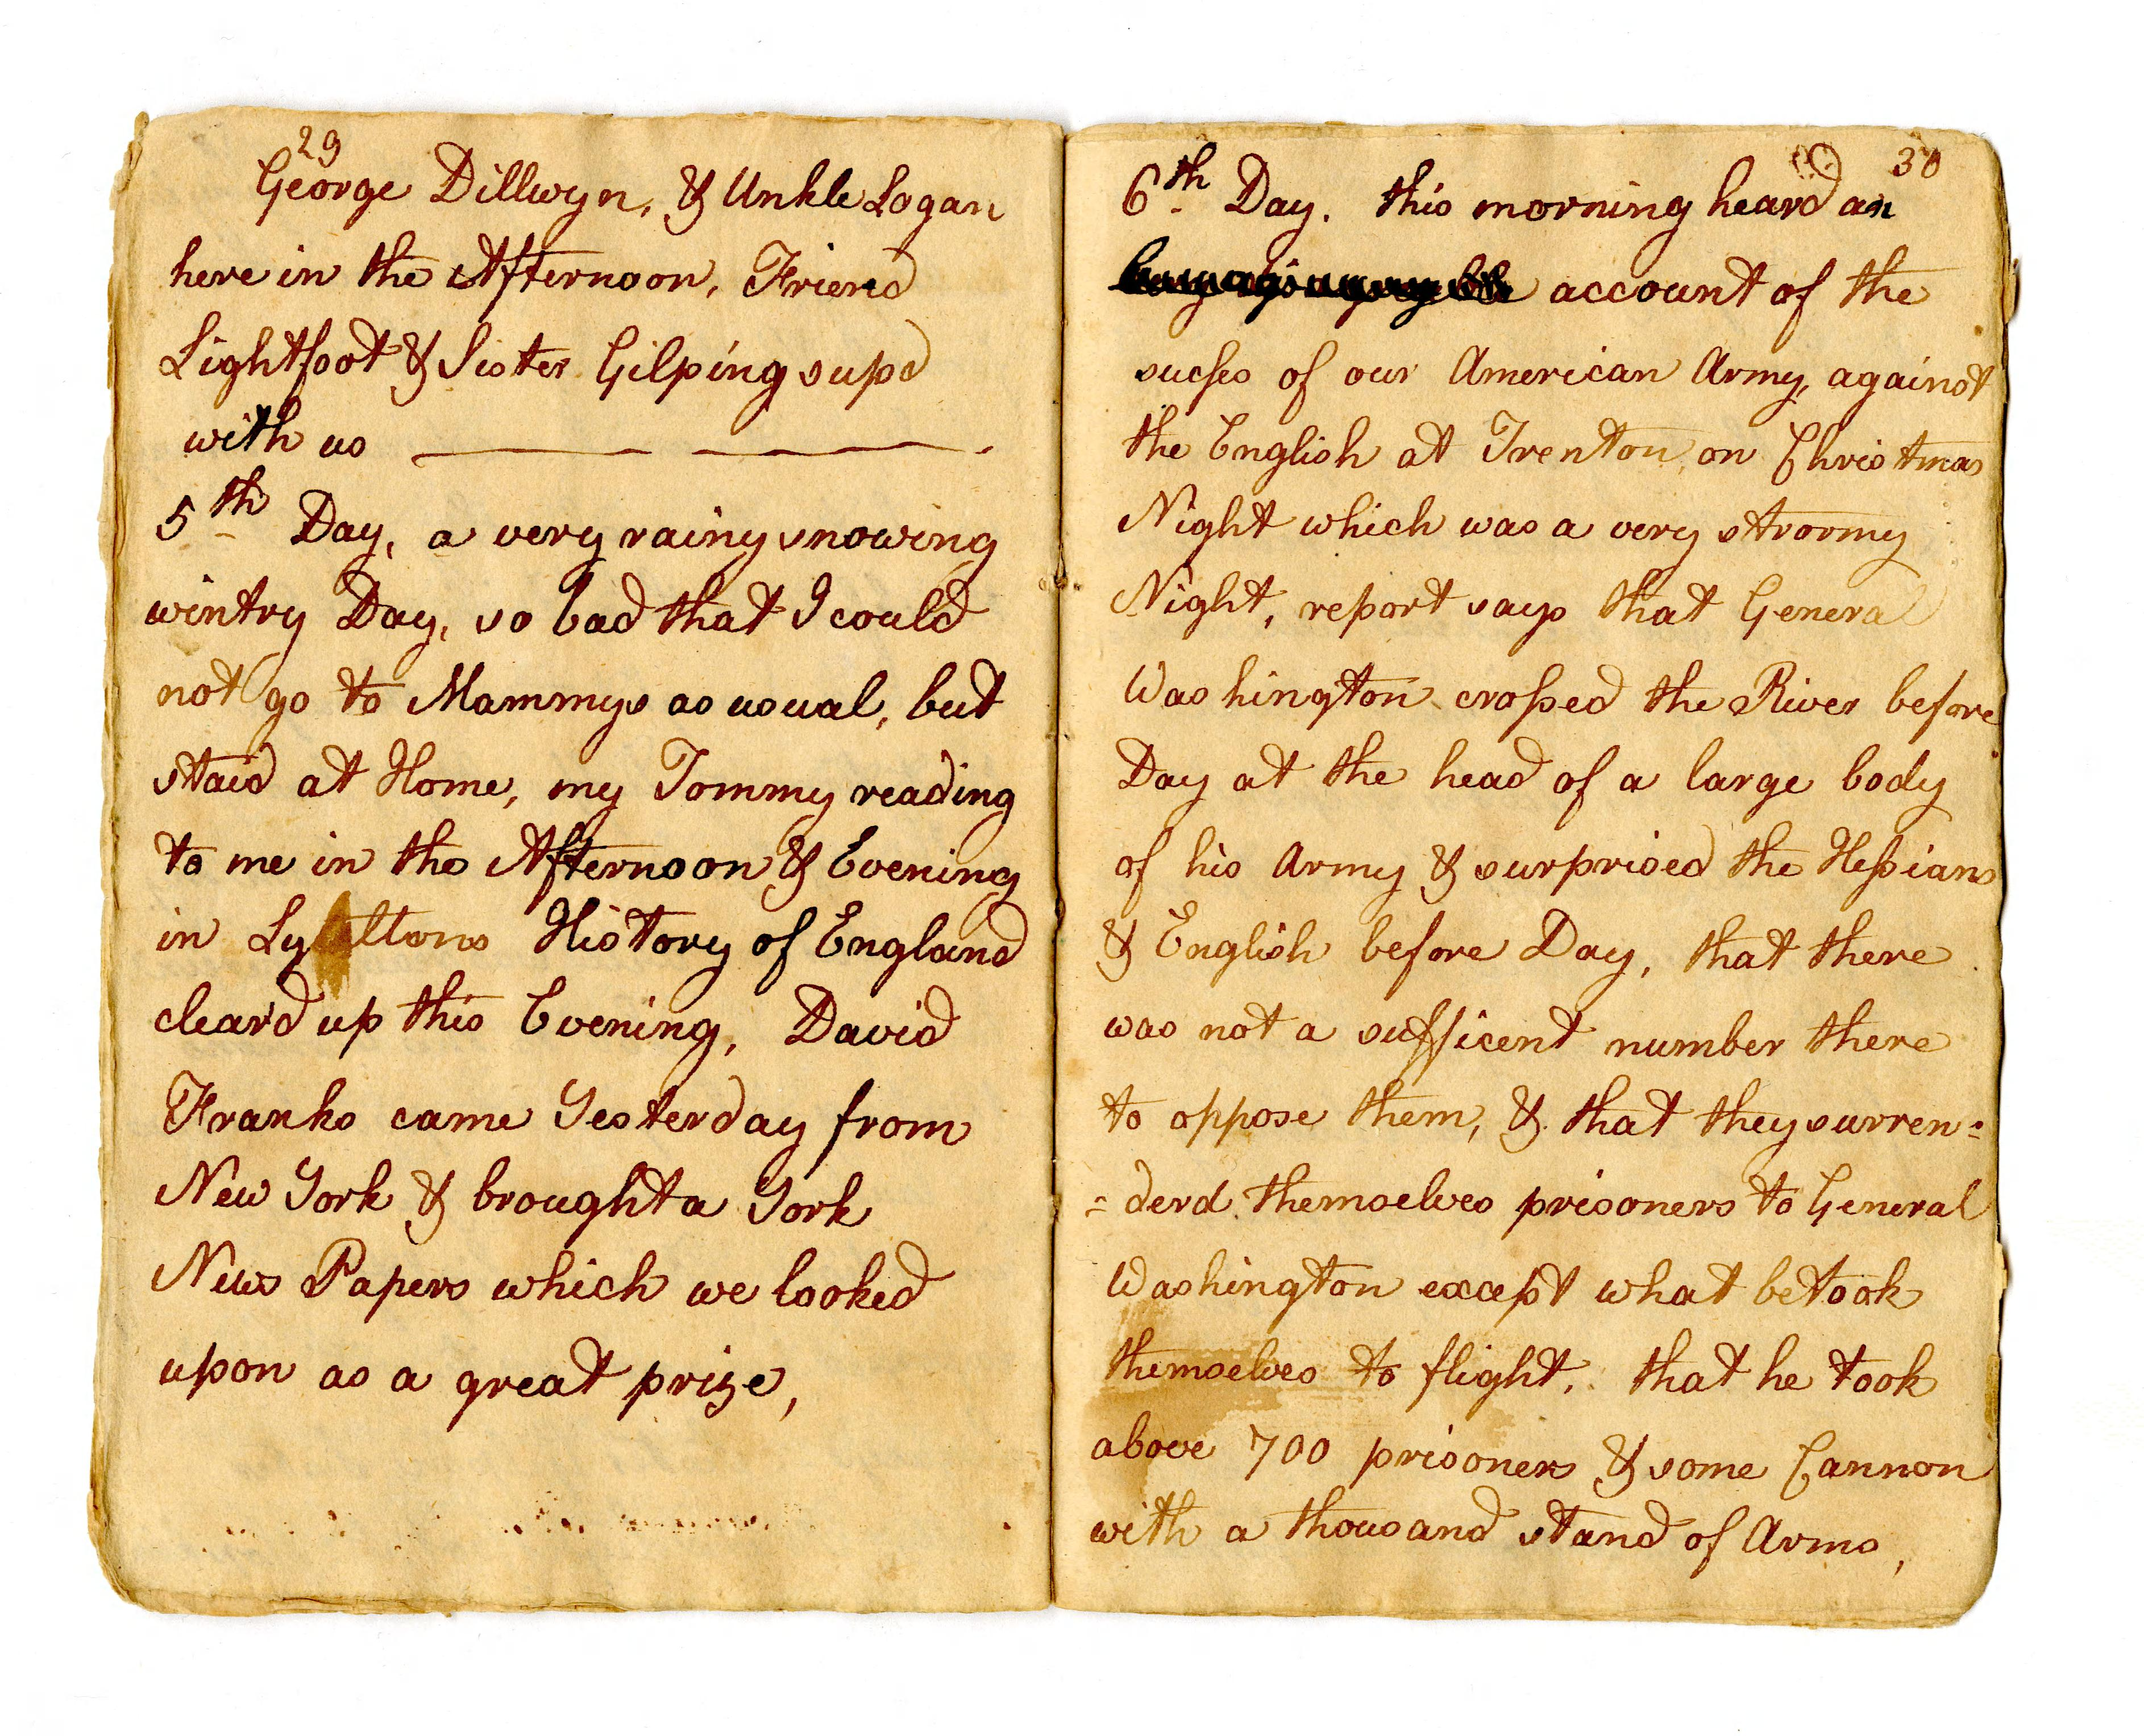29
George Dillwyn, & Unkle Logan
here in the Afternoon, Friend
Lightfoot & Sister Gilping supd
with us-
5^th Day, a very rainy snowing
wintry Day, so bad that I could
not go to Mammys as usual, but
staid at Home, my Tommy reading
to me in the Afternoon & Evening
in Ly[_]ttons History of England
clear'd up this Evening, David
Franks came Yesterday from
New York & brought a York
News Papers which we looked
upon as a great prize,
30
6^th. Day. this morning heard an
[________________] account of the
sucses of our American Army, against
the English at Trenton on Christmas
Night which was a very strormy
Night, report says that General
Washington crossed the River before
Day at the head of a large body
of his Army & surprised the Hessians
& English before Day, that there
was not a sufficent number there
to oppose them, & that they surren-
-derd themselves prisoners to General
Washington except what betook
themselves to flight, that he took
above 700 prisoners & some Cannon
with a thousand stand of Arms,